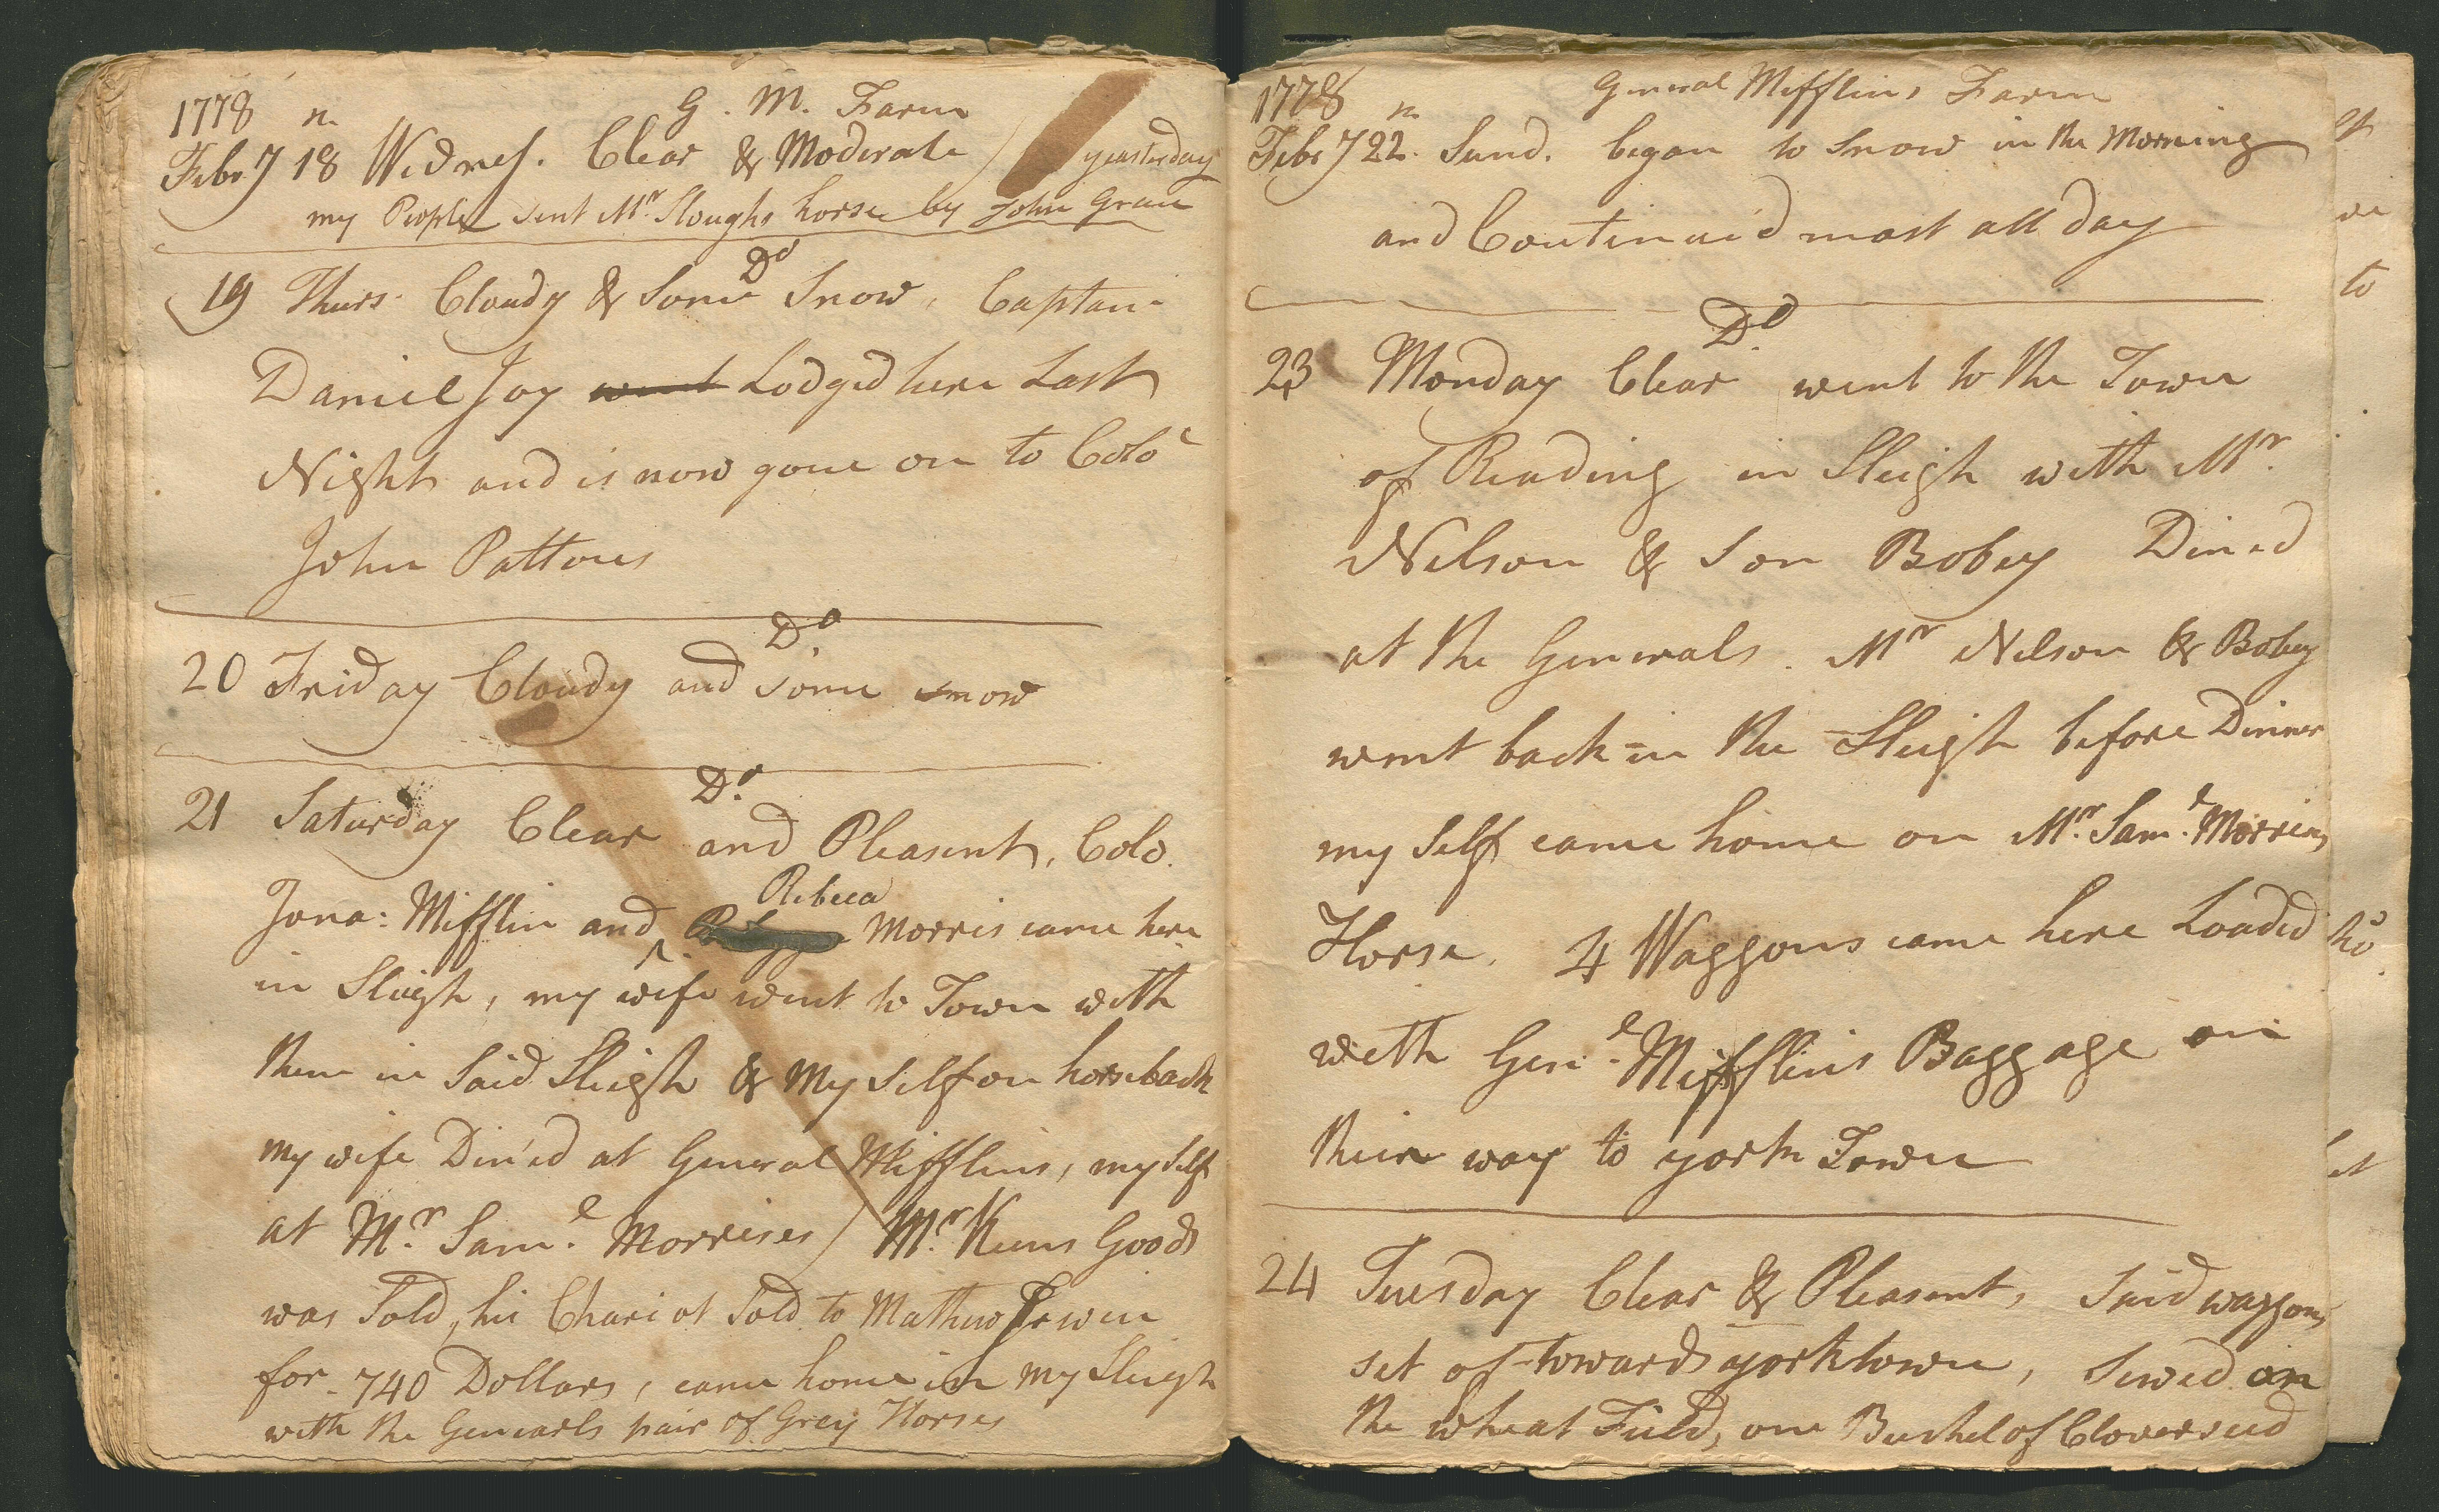1778
G. M. Farm
Febr^y 18^th Wednes. Clear & Moderate) yeasterday
my Peeple sent M^r. Sloughs horse by John Grau
19 Thurs. Cloudy & Some Snow, Captan
Damel Joy [went] Lodged here Last
Night and is now gone on to Colo^l
John Pattons
D^o.
20 Friday Cloudy and some snow
D^o.
21 Saturday Clear and Pleasent, Colo
Rebeca
Jona: Mifflin and, [______] Morris came here
in Sleigh, my wife went to Town with
them in Said Sleigh & My self on horseback
my wife Dined at General Mlifflins, my Self
at M^r. Sam^l. Morrises) M^r. Kuns Goods
was sold, his Chariot sold to Mathew Irwin
for- 740 Dollars, came home in my Sleigh
with the Genearls pair of Grey Horses
Febr^y 22^th. Sund. began to snow in the Moming
1778
General Mifflins Farm
and Continued most all day
23 Monday Clear went to the Town
of Reading, in Sleigh with M^r.
Nelson & Son Bobey Dined
at the Generals M^r. Nelson & Bobey
went back in the Sleigh before Dinner
my selff came home on M^r. Sam^l. Morrises
Horse. 4 Waggons came here Loaded
with Gen^l. Miffflins Baggage on
their way to york Town
24 Tuesday Clear & Pleasent, Said waygons
set of towards yorktown, sewed on
the wheat Field, one Bushel of Cloverseed